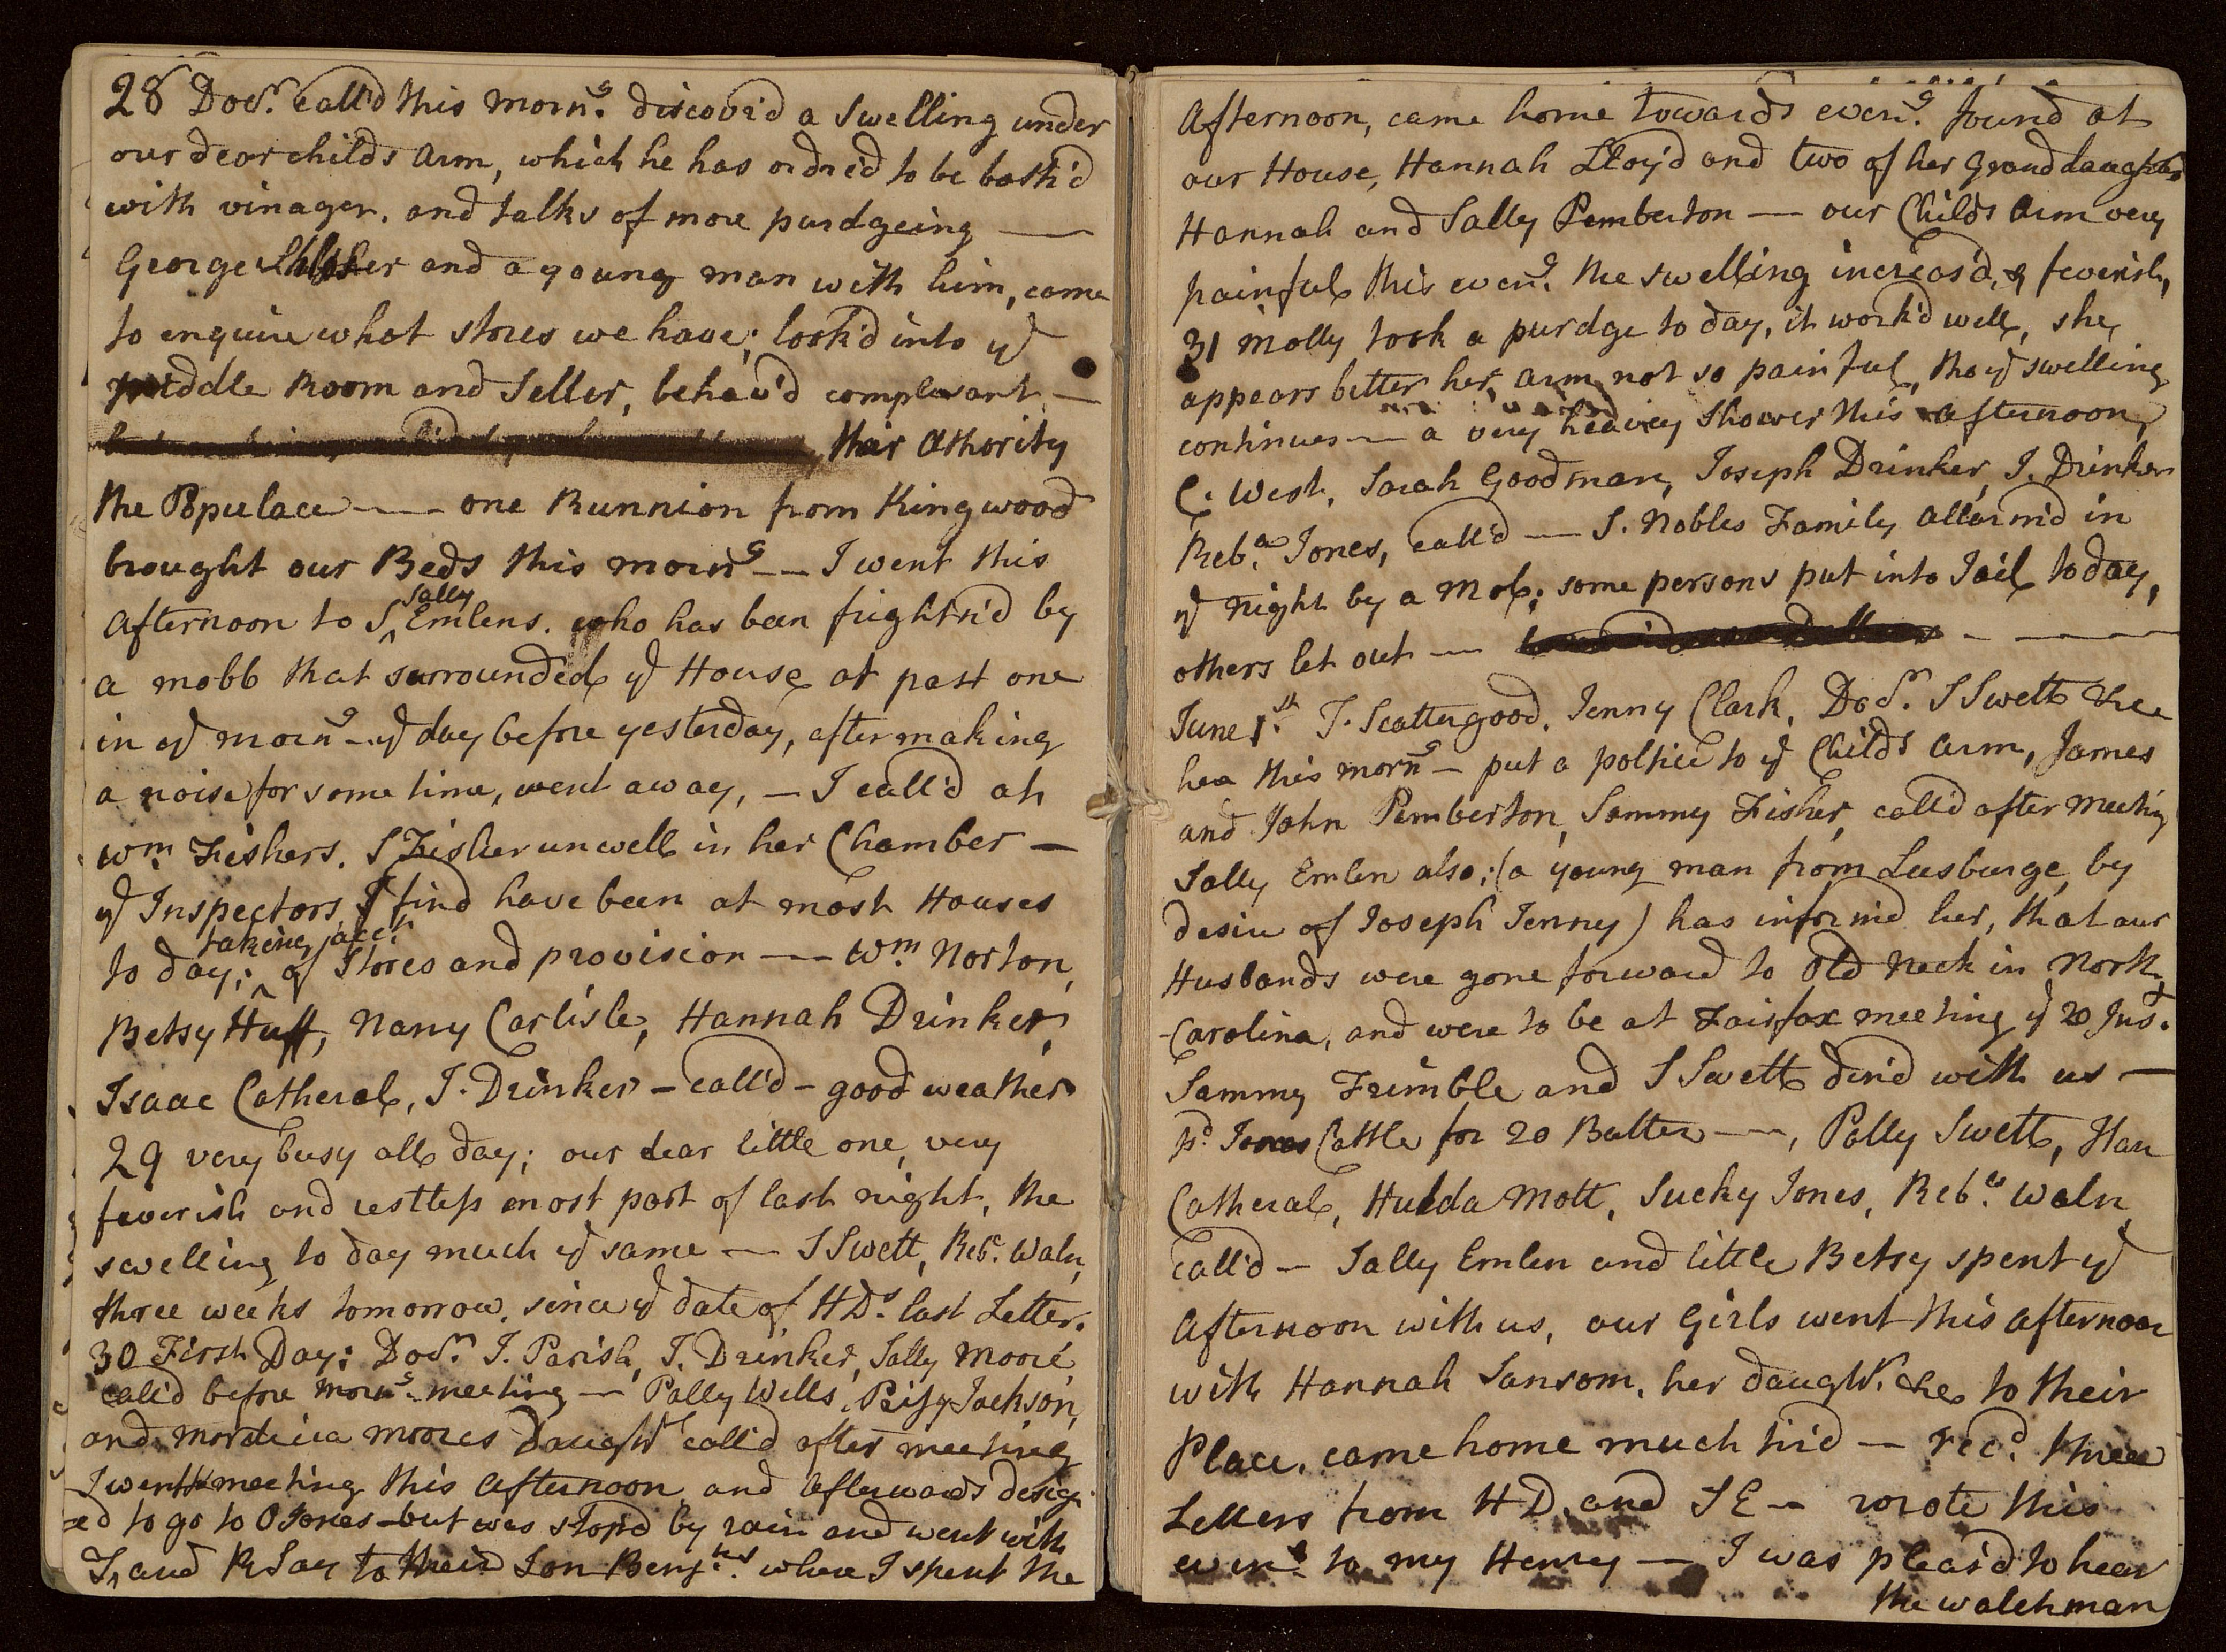28 Doc^r. call'd this morn^g. discovr'd a Swelling under
our dear childs arm, which he has order'd to be bath'd
with vinager, and talks of more purdgeing-
George [______] and a young man with him, come
to enquire what stores we have; look'd into y^e
middle Room and Seller, behav'd complasant-
[______________] their athority
the Populace- one Runnion from King wood
brought our Beds this morn^g-- I went this
Afternoon to S ^ Emlens. who has been frightn'd by
Sally
a mobb that surrounded y^e House at past one
in y^e morn^g- y^e day before yesterday, after making
a noise for some time, vent away,- I call'd at
W^m. Fishers, S Fisher unwell in her Chamber-
y^e Inspectors, I find have been at most Houses
taking acc^t.
to day; ^ of Stores and provision- W^m. Norton,
Betsy Huff, Nany Carlisle, Hannah Drinker,
Isaac Catheral, I. Drinker- call'd- good weather
29 very busy all day; our dear little one, very
feverish and restless most part of last night, the
swelling to day much y^e same- S Swett, Reb^a. Waln,
three weeks tomorrow, since y^e date of HD^s. last Letter.
30 First Day: Doc^r. I. Parish, T. Drinker, Sally Moore,
call'd before morn^g. meeting- Polly Wells, Paisy Jackson,
and Morticia Moores daugh^r call'd after meeting
I went meeting this Afternoon and Afterwards design
-ed to go to O Jones- but was stop'd by rain and went with
S. and R Say to their Son Benj^ns. where I spent the
Afternoon, came home towards even^g. found at
our House, Hannah Lloy'd and two of her Granddaughters
Hannah and Sally Pemberton- our Childs arm very,
painful this even^g. the swelling increas'd, & feverish,
31 Molly took a purdge to day, it work'd well, she
appears better her arm not so painful, tho y^e swelling
continues- a very heavey Shower this afternoon,
C. West Sarah Goodman, Joseph Drinker, I. Drinkher
Reb^a. Jones, call'd- S. Nobles Family allarm'd in
y^e night by a mob; some persons put into Jail today,
others let out- [_________________]--
June 1^st. T. Scattergood, Jenny Clark, Doc^r. S Swett &c
here this morn^g- put a poltice to y^e Childs Arm, James
and John Pemberton, Sammy Fisher, call'd after meetig
Sally Emlen also; (a young man from Lusburge, by
desire of Joseph Jenny) has inform'd her, that our
Husbands were gone forward to Old Neck in North
-Carolina, and were to be at Fairfax meeting y^e 20 Jus^t.
Sammy Trimble and S Swett din'd with us-
p^d. Jones Cattle for 20 Butter-, Polly Swett, Han
Catheral, Hulda Mott, Suchy Jones, Reb^a. Waln
call'd- Sally Emlen and little Betsy spent y^e
afternoon with us, our Girls went this afternoon
with Hannah Sansom, her daugh^r. &c to their
Place, came home much tir'd- rec^d. three
Letters from HD. and SE- wrote this
even^g. to my Henry- I was pleas'd to hear
the watchman